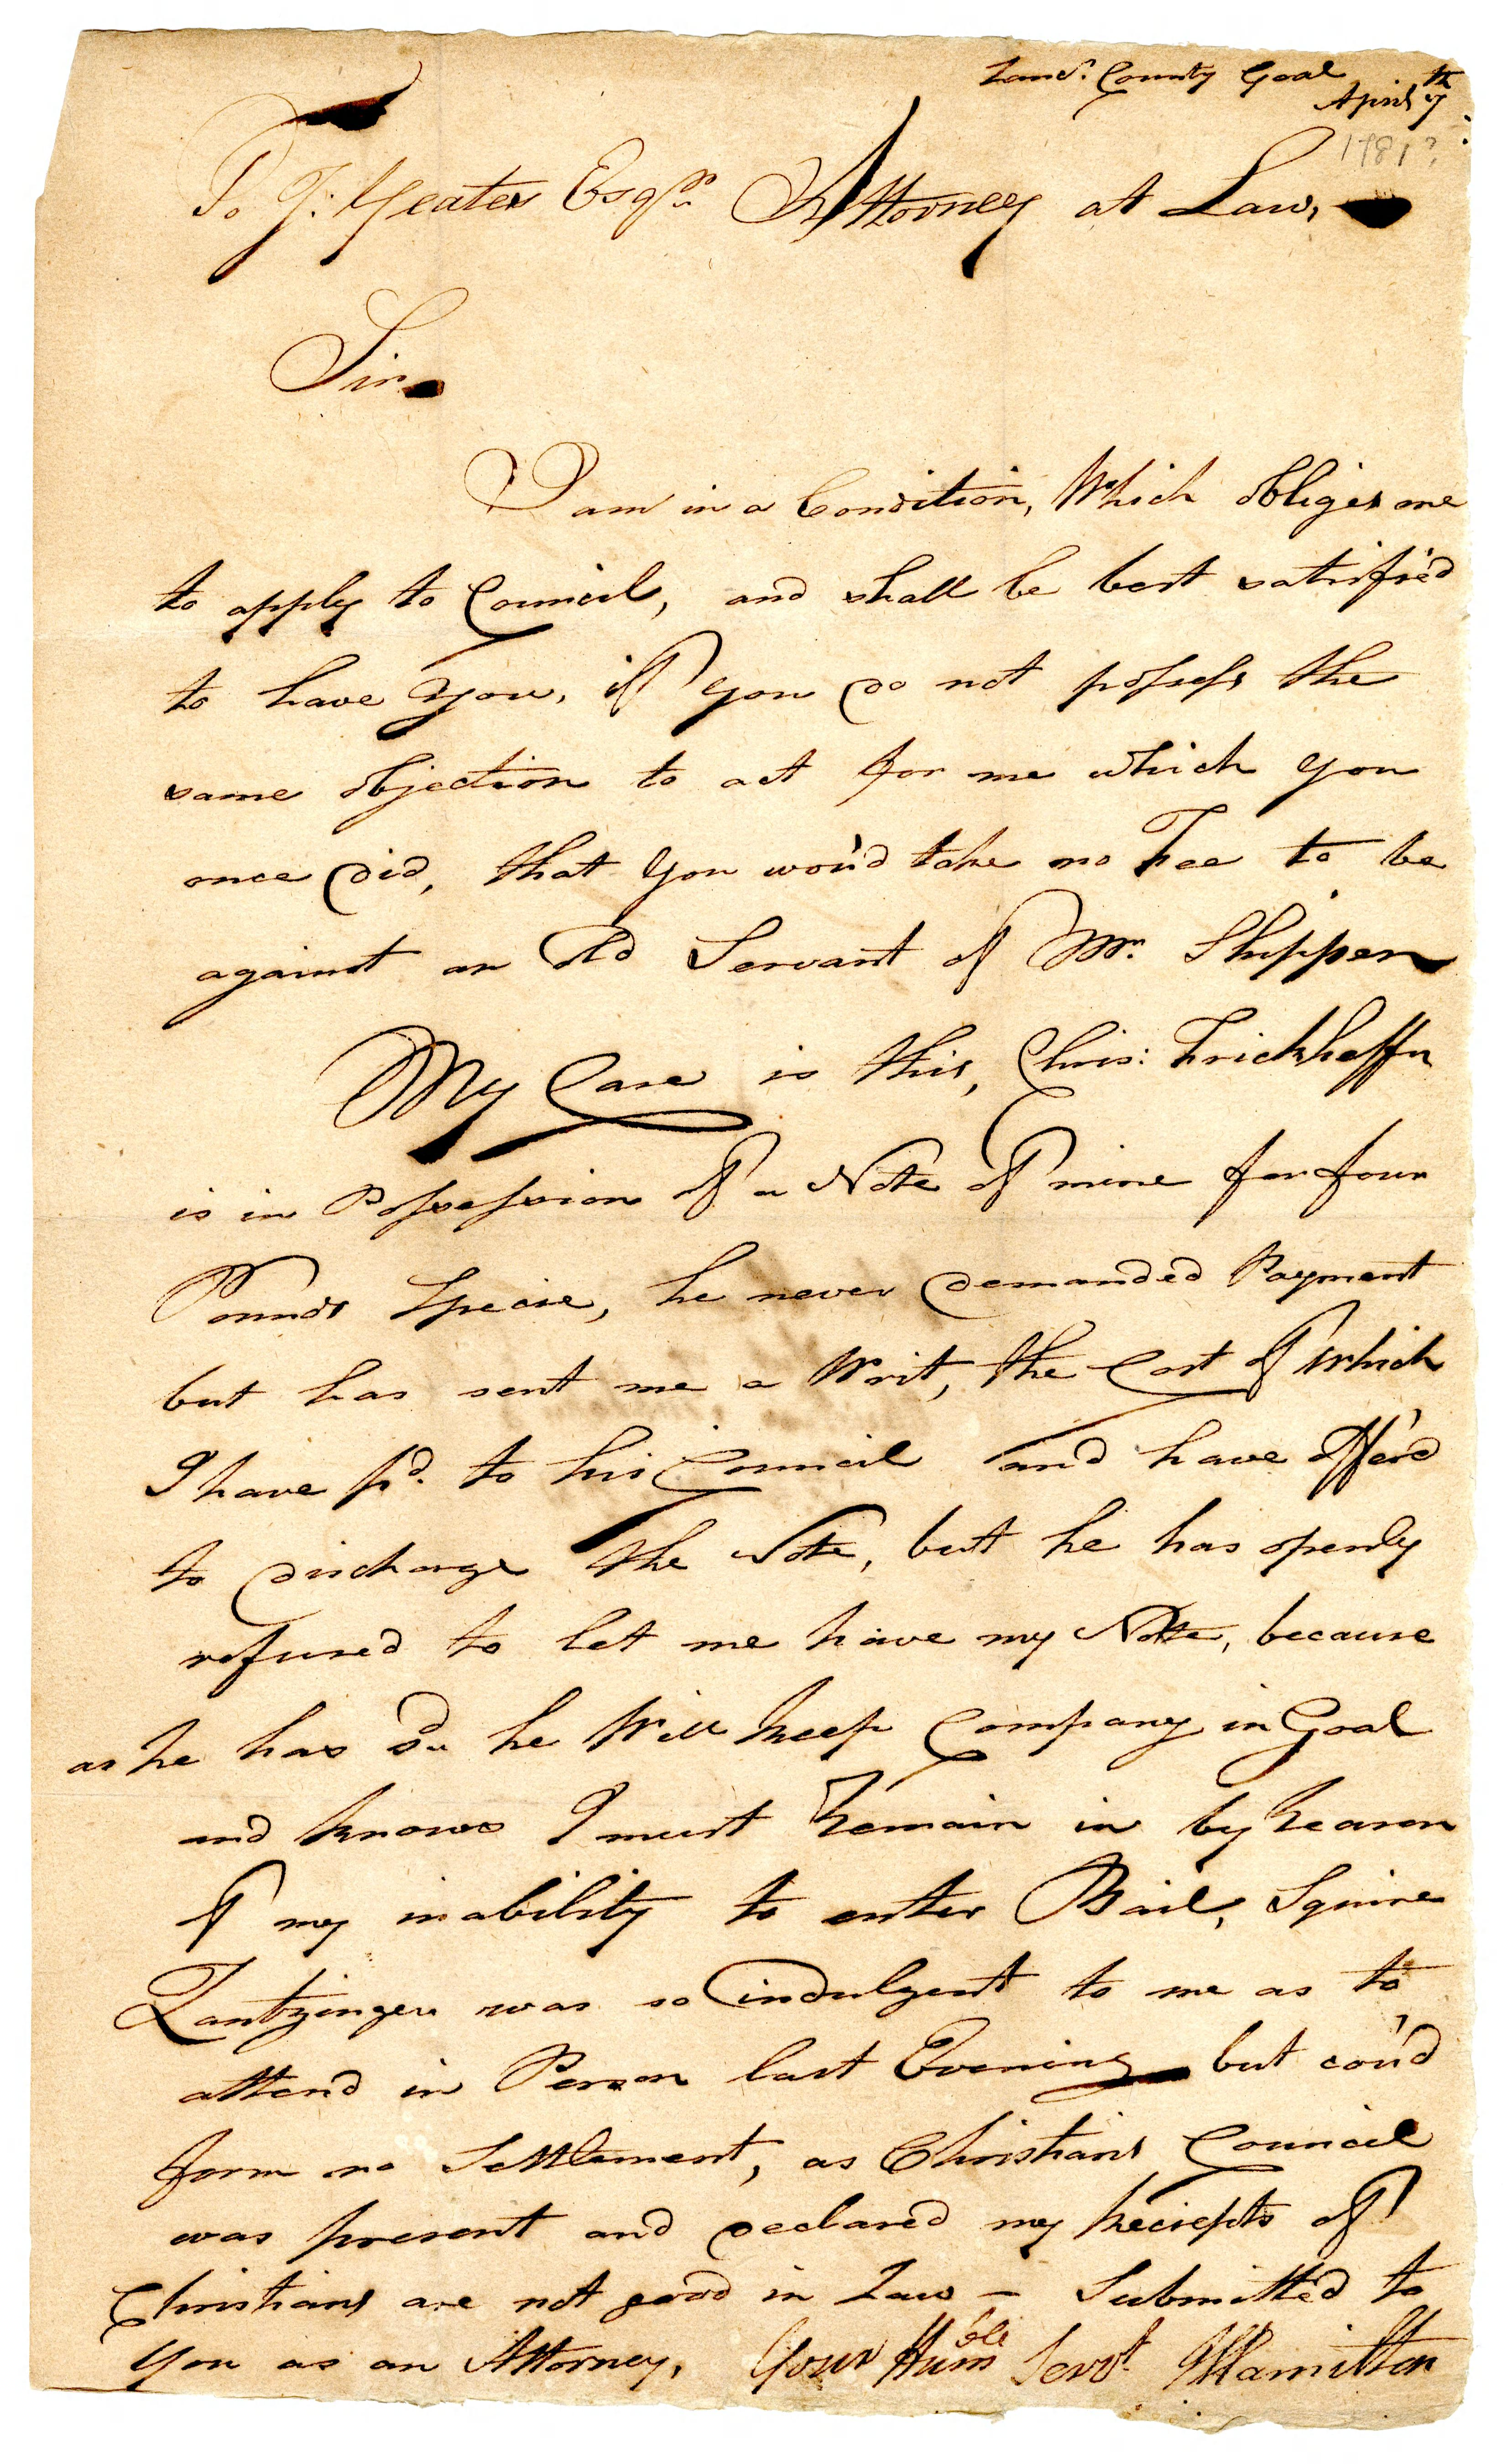Lanc^r. County Goal
April 7^th
To J. Yeates Esq^r Attorney at Law,
Sir
I am in a Condition, Which obliges one
to apply to Council, and shall be best satisfied
to have you, if you do not possess the
same objection to act for me which you
once did, that You wou'd take no Fee to be
against an old Servant of M^r. Shippen
My Case is this, Chris: Frickheffer
is in Possession of a Note of mine for four
Connor Spease, he never comanded Payment
but has sent me a Writ, the Cost of which
I have p^d. to his Council and have offer'd
to discharge the note, but he has openly
refused to let me have my Note, because
as he has s^d he will keep Company in Goal
and knows I must remain in by hearon
& my inability to enter Bail, Squire
Zantzinger was so indulgent to me as to
attend in Person last Evening but cou'd
form no Settlement, as Christians Council
was present and declared my Reciepts of
Christians are not good in Law. Submitted to
You as an Attorney, Your Hum^ble Serv^t J. Hamilton